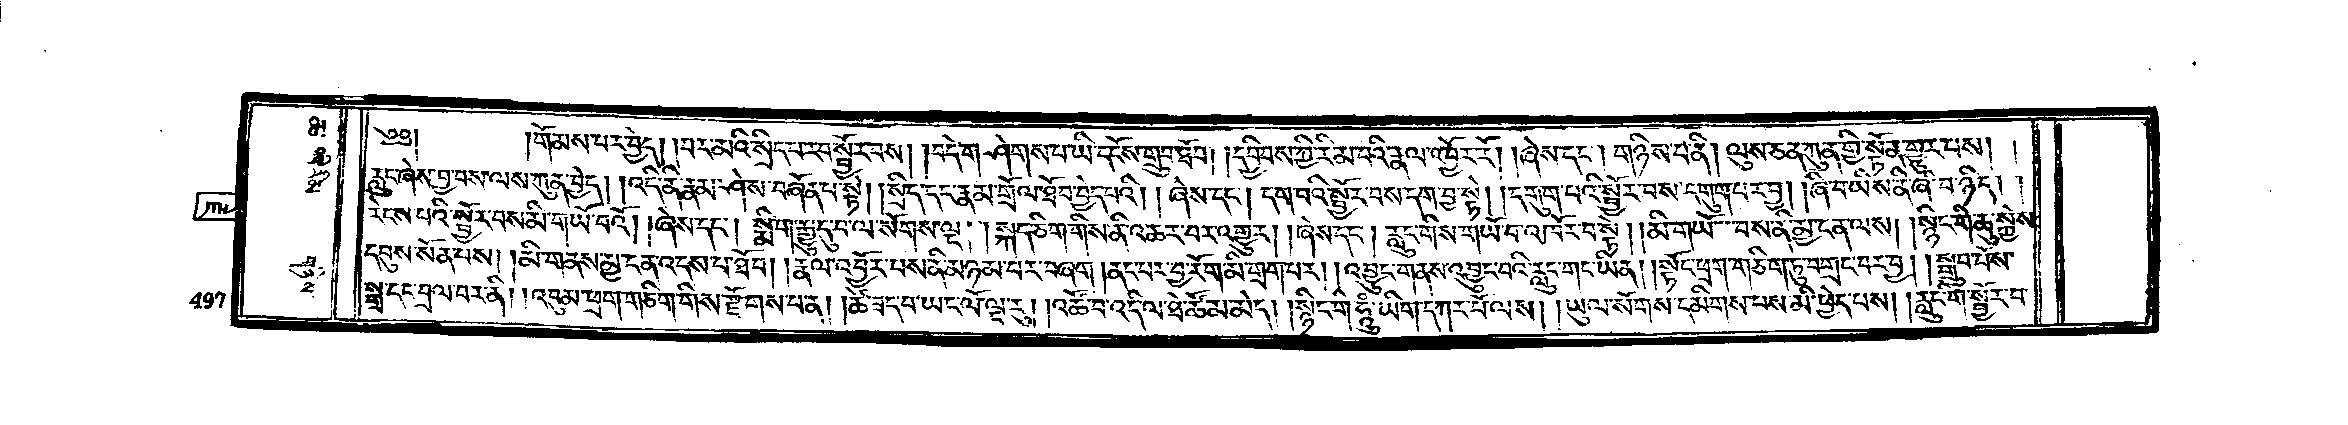༄༅། །གོམས་པར་བྱེད། །བར་མའི་སྲིད་པ་རབ་སྦྱོར་བས། །བདེ་གཤེགས་པ་ཡི་དངོས་གྲུབ་ཐོབ། །དབྱིབས་ཀྱི་རིམ་པའི་རྣལ་འབྱོར་རོ། །ཞེས་དང་། གཉིས་པ་ནི། ལུས་ཅན་ཀུན་གྱི་སྟོན་གྱུར་པས། ། རླུང་ཞེས་བྱ་བས་ལས་ཀུན་བྱེད། །འདི་ནི་རྣམ་ཤེས་བཞོན་པ་སྟེ། །སྲིད་དང་རྣམ་གྲོལ་ཐོབ་བྱེད་པའི། །ཞེས་དང་། དག་པའི་སྦྱོར་བས་དག་བྱ་སྟེ། །དགུག་པའི་སྦྱོར་བས་དགུག་པར་བྱ། །ཞི་བ་ཡིས་ནི་ཞི་བ་ཉིད། །
རེངས་པའི་སྦྱོར་བས་མི་གཡོ་བའོ། །ཞེས་དང་། སྨིག་རྒྱུ་དུ་བ་ལ་སོགས་ལྔ། །སྐད་ཅིག་གིས་ནི་འཆར་བར་འགྱུར། །ཞེས་དང་། རླུང་གིས་གཡོ་བ་འཁོར་བ་སྟེ། །མི་གཡོ་བས་ནི་མྱ་ངན་ལས། །སྙིང་གི་ཆུ་སྐྱེས་
དབུས་སོན་པས། །མི་གནས་མྱ་ངན་འདས་པ་ཐོབ། །རྣལ་འབྱོར་པས་ནི་མཉམ་པར་བཞག །ནང་པར་བྱ་རོག་མི་གྲག་པར། །འབྱུང་གནས་འབྱུང་བའི་རླུང་གང་ཡིན། །སྟོང་ཕྲག་གཅིག་ཏུ་བགྲང་བར་བྱ། །སྒྲུབ་པོས་
སྒྲ་དང་བྲལ་བར་ནི། །འབུམ་ཕྲག་གཅིག་གིས་རྫོགས་པ་ན། །ཚེ་ཟད་པ་ཡང་ལོ་ལྔ་རུ། །འཚོ་བ་འདི་ལ་ཐེ་ཚོམ་མེད། །སྙིང་གི་ཧཱུཾ་ཡིག་དཀར་པོ་ལས། །ཡུལ་སོགས་དམིགས་པས་མི་ཕྱེད་པས། །རླུང་གི་སྦྱོར་བ་